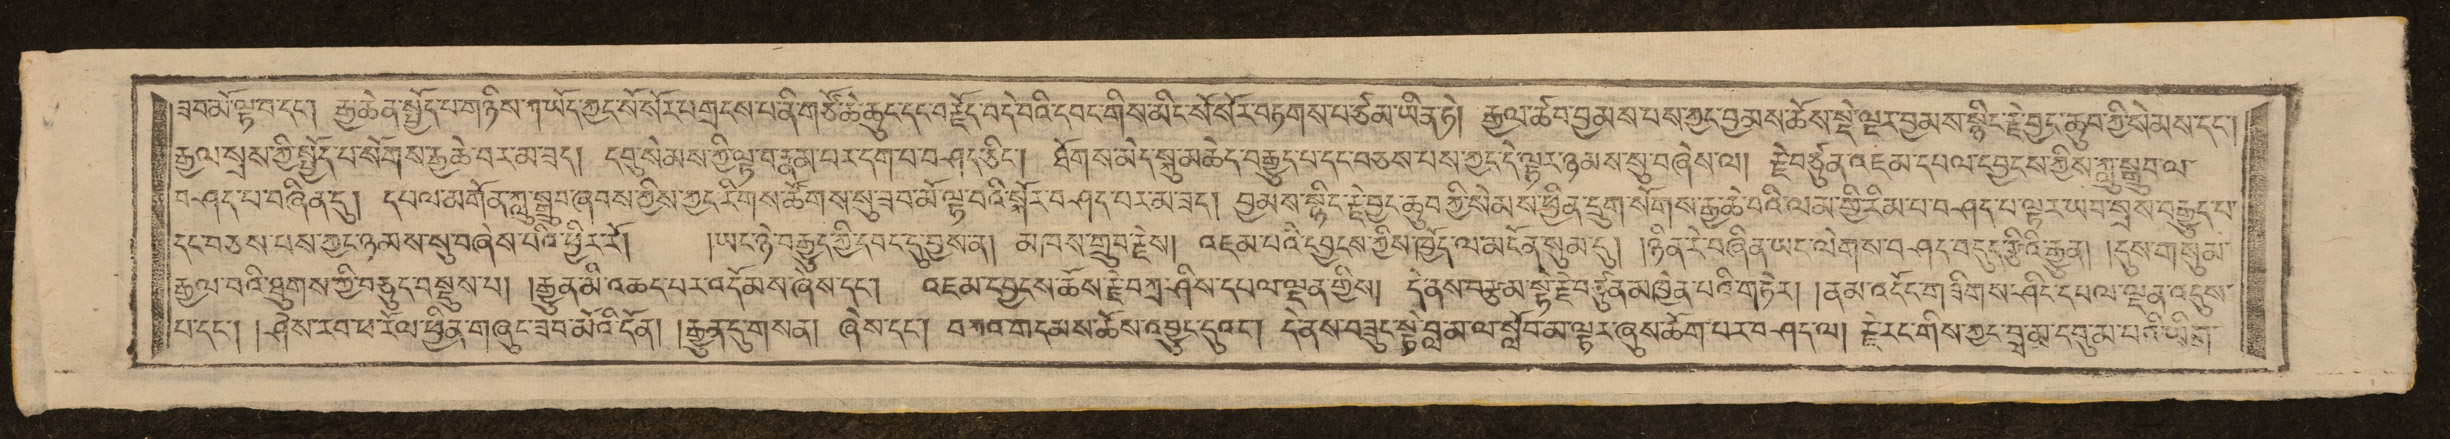ཟབ་མོ་ལྟ་བ་དང་། རྒྱ་ཆེན་སྤྱོད་པ་གཉིས་ཀ་ཡོད་ཀྱང་སོ་སོར་པ་གྲངས་པ་ནི་གཙོ་ཆེ་ཆུང་དང་བརྗོད་བདེ་བའི་དབང་གིས་མིང་སོ་སོར་བཏགས་པ་ཙམ་ཡིན་ཏེ། རྒྱལ་ཚབ་བྱམས་པས་ཀྱང་བྱམས་ཆོས་སྡེ་སྔར་བྱམས་སྙིང་རྗེ་བྱང་ཆུབ་ཀྱི་སེམས་དང་།
རྒྱལ་སྲས་ཀྱི་སྤྱོད་པ་སོགས་རྒྱ་ཆེ་བར་མ་ཟད། དབུ་སེམས་ཀྱི་ལྟ་བ་རྣམ་པར་དག་པ་བཤད་ཅིང་། ཐོགས་མེད་སྐུ་མཆེད་བརྒྱུད་པ་དང་བཅས་པས་ཀྱང་དེ་ལྟར་ཉམས་སུ་བཞེས་ལ། རྗེ་བཙུན་འཇམ་དཔལ་དབྱངས་ཀྱིས་ཀླུ་སྒྲུབ་ལ་
བཤད་པ་བཞིན་དུ། དཔལ་མགོན་ཀླུ་སྒྲུབ་ཞབས་ཀྱིས་ཀྱང་རིགས་ཚོགས་སུ་ཟབ་མོ་ལྟ་བའི་སྐོར་བཤད་པར་མ་ཟད། བྱམས་སྙིང་རྗེ་བྱང་ཆུབ་ཀྱི་སེམས་ཕྱིན་དྲུག་སོགས་རྒྱ་ཆེ་བའི་ལམ་གྱི་རིམ་པ་བཤད་པ་ལྟར་ཡབ་སྲས་བརྒྱུད་པ་
དང་བཅས་པས་ཀྱང་ཉམས་སུ་བཞེས་པའི་ཕྱིར་རོ། །ཡང་ཉེར་བརྒྱུད་ཀྱི་དབང་དུ་བྱས་ན། མཁས་གྲུབ་རྗེས། འཇམ་པའི་དབྱངས་ཀྱིས་ཁྱོད་ལ་མངོན་སུམ་དུ། །ཉིན་རེ་བཞིན་ཡང་ལེགས་བཤད་བདུད་རྩིའི་རྒྱུན། །དུས་གསུམ་
རྒྱལ་བའི་ཐུགས་ཀྱི་བཅུད་བསྡུས་པ། །རྒྱུན་མི་འཆད་པར་འདོམས་ཞེས་དང་། འཇམ་དབྱངས་ཆོས་རྗེ་བཀྲ་ཤིས་དཔལ་ལྡན་གྱིས། དེ་ནས་བརྩམ་སྟེ་རྗེ་བཙུན་མཁྱེན་པའི་གཏེར། །ནམ་འདོད་གཟིགས་ཤིང་དཔལ་ལྡན་འདུས་
པ་དང་། །ཤེས་རབ་ཕ་རོལ་ཕྱིན་གཞུང་ཟབ་མོའི་དོན། །རྒྱུན་དུ་གསན། ཞེས་དང་། བཀའ་གདམས་ཆོས་འབྱུང་དུའང་། དེ་ནས་བཟུང་སྟེ་བླ་མ་ལ་སློབ་མ་ལྟར་ཞུས་ཆོག་པར་བཤད་ལ། རྗེ་རང་གིས་ཀྱང་བླ་མ་དབུ་མ་པའི་ཡིག་